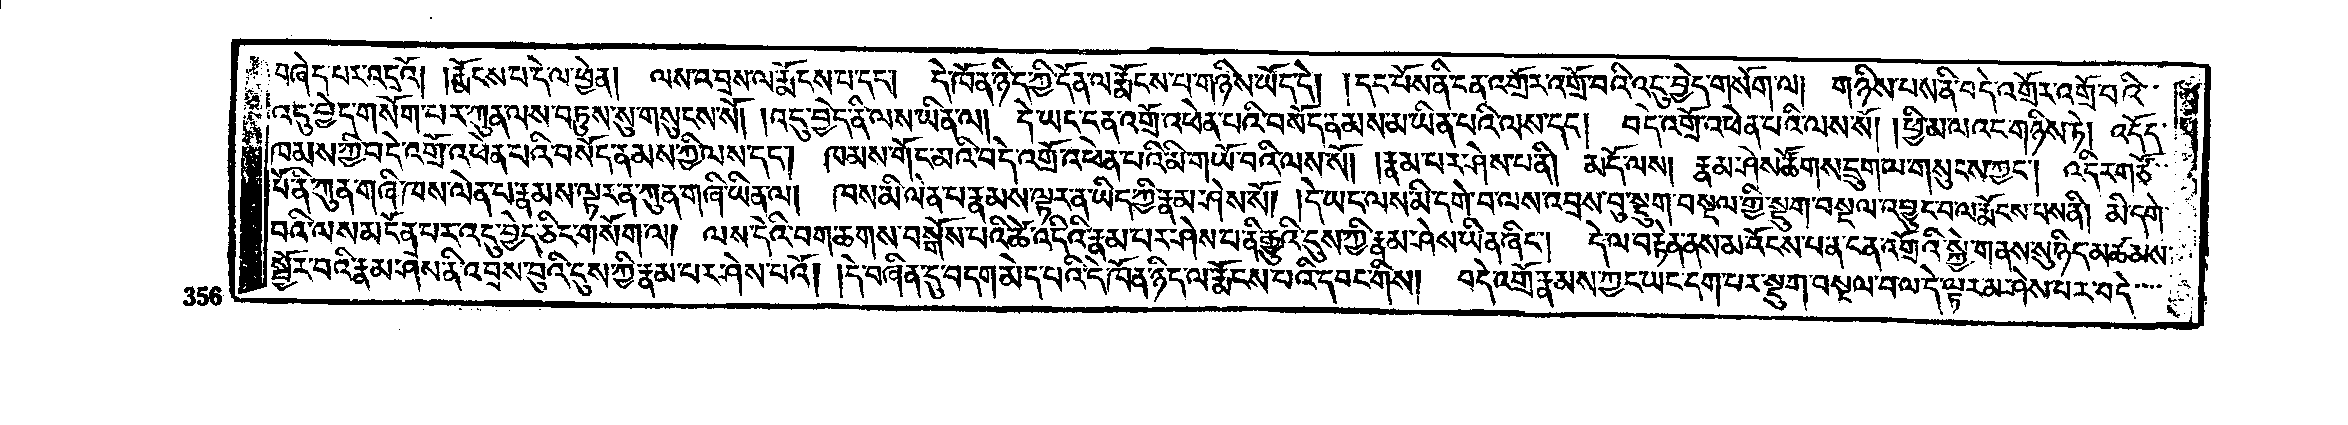བཞེད་པར་འདྲའོ། །རྨོངས་པ་དེ་ལ་ཕྱེ་ན། ལས་འབྲས་ལ་རྨོངས་པ་དང་། དེ་ཁོ་ན་ཉིང་ཀྱི་དོན་ལ་རྨོངས་པ་གཉིས་ཡོད་དེ། དང་པོས་ནི་ངན་འགྲོར་འགྲོ་བའི་འདུ་བྱེད་གསོག་ལ། གཉིས་པས་ནི་བདེ་འགྲོར་འགྲོ་བའི་
འདུ་བྱེད་གསོག་པར་ཀུན་ལས་བཏུས་སུ་གསུངས་སོ། །འདུ་བྱེད་ནི་ལས་ཡིན་ལ། དེ་ཡང་ངན་འགྲོ་འཕེན་པའི་བསོད་ནམས་མ་ཡིན་པའི་ལས་དང་། བདེ་འགྲོ་འཕེན་པའི་ལས་སོ། །ཕྱི་མ་ལའང་གཉིས་ཏེ། འདོད་
ཁམས་ཀྱི་བདེ་འགྲོ་འཕེན་པའི་བསོད་ནམས་ཀྱི་ལས་དང་། ཁམས་གོང་མའི་བདེ་འགྲོ་འཕེན་པའི་མི་གཡོ་བའི་ལས་སོ། །རྣམ་པར་ཤེས་པ་ནི། མདོ་ལས། རྣམ་ཤེས་ཚོགས་དྲུག་ལ་གསུངས་ཀྱང་། འདིར་གཙོ་
བོ་ནི་ཀུན་གཞི་ཁས་ལེན་པ་རྣམས་ལྟར་ན་ཀུན་གཞི་ཡིན་ལ། ཁས་མི་ལེན་པ་རྣམས་ལྟར་ན་ཡིད་ཀྱི་རྣམ་ཤེས་སོ། །དེ་ཡང་ལས་མི་དགེ་བ་ལས་འབྲས་བུ་སྡུག་བསྔལ་གྱི་སྡུག་བསྔལ་འབྱུང་བ་ལ་རྨོངས་པས་ནི། མི་དགེ་
བའི་ལས་མངོན་པར་འདུ་བྱེད་ཅིང་གསོག་ལ། ལས་དེའི་བག་ཆགས་བསྒོས་པའི་ཚེ་འདིའི་རྣམ་པར་ཤེས་པ་ནི་རྒྱུའི་དུས་ཀྱི་རྣམ་ཤེས་ཡིན་ཞིང་། དེ་ལ་བརྟེན་ནས་མ་འོངས་པ་ན་ངན་འགྲོའི་སྐྱེ་གནས་སུ་ཉིང་མཚམས་
སྦྱོར་བའི་རྣམ་ཤེས་ནི་འབྲས་བུའི་དུས་ཀྱི་རྣམ་པར་ཤེས་པའོ། །དེ་བཞིན་དུ་བདག་མེད་པའི་དེ་ཁོ་ན་ཉིད་ལ་རྨོངས་པའི་དབང་གིས། བདེ་འགྲོ་རྣམས་ཀྱང་ཡང་དག་པར་སྡུག་བསྔལ་བ་ལ་དེ་ལྟར་མ་ཤེས་པར་བདེ་